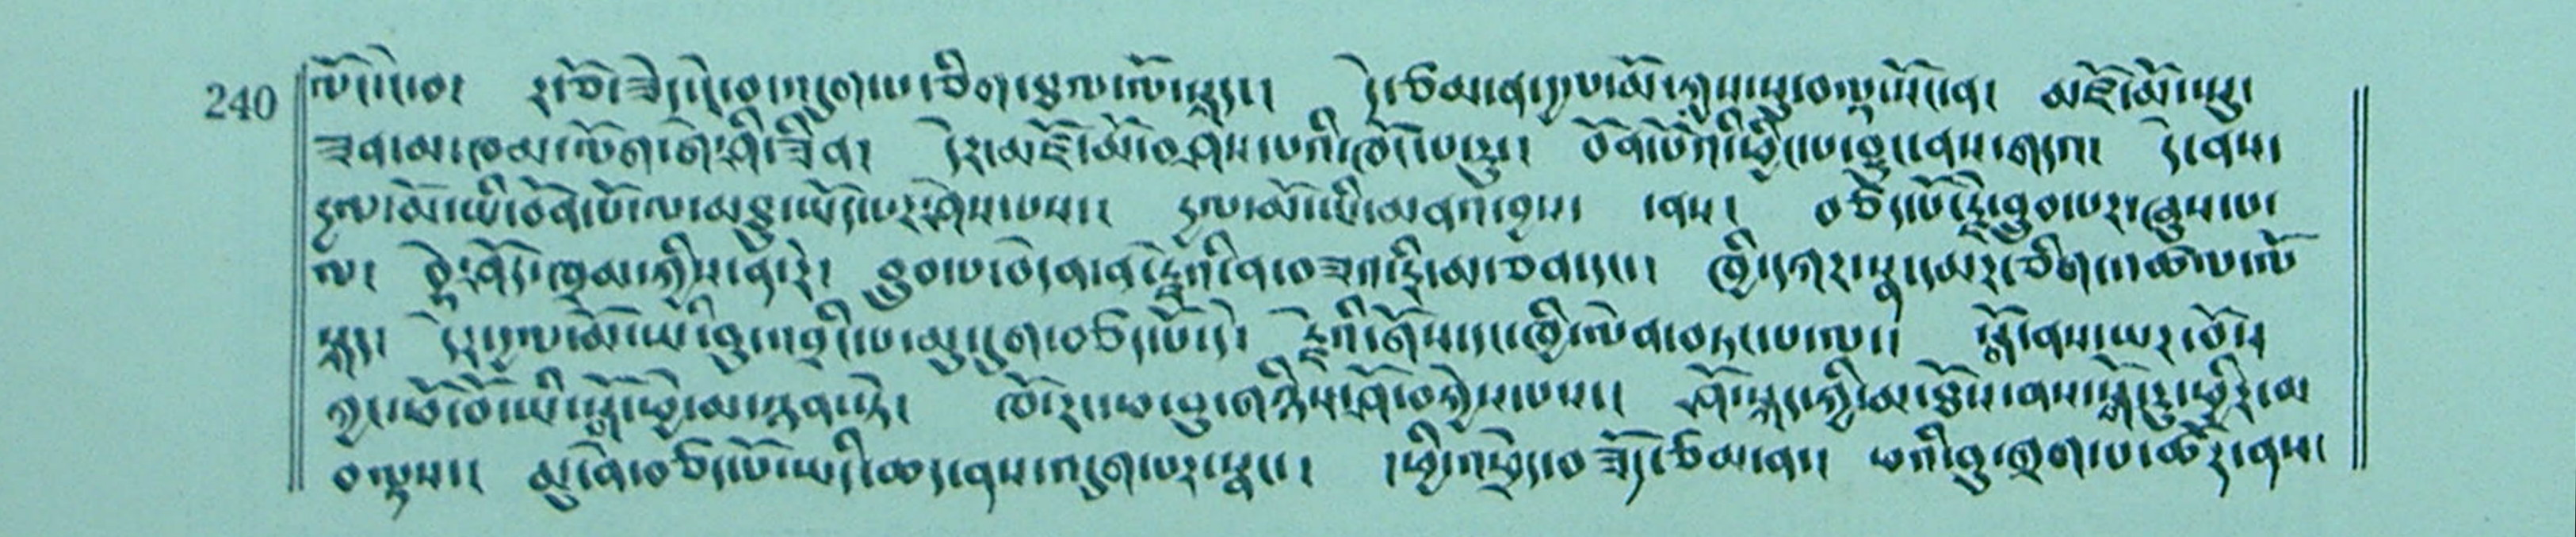ལོང་ངེ་བ། ར་ཅོ་ཟེད་ངེ་བ་འདུག་པ་གཅིག་ཐལ་ལོ་སྐད། དེ་ཙམ་ན་རྒྱལ་མོ་ཀླས་སུ་བལྟ་སོང་ནས། མཛོ་མོ་སྤུ་
ཟན་མ་ཁམ་ལོག་གེ་ཤི་ཟིན། དེར་མཛོ་མོ་བཤས་པའི་ཁོང་བ་རུ། བོན་པོའི་ཕྱིང་བ་བྱུང་ནས་གདའ། དེ་ནས་
རྒྱལ་མོ་ཡི་བོན་པོ་ལ་མཐུ་ཡོད་པར་ཤེས་པས། རྒྱལ་མོ་ཡིས་མནའ་བྱས་ནས། བཙད་པོ་རྗེ་བྲུབ་པར་ཞུས་པ་
ལ། བྷེ་ཤོད་ཁྲམ་གྱིས་ན་རེ། བྲུབ་པ་བདེན་ན་རྗེའི་ན་བཟའ་དྲི་མ་ཅན་དང་། ཁྱི་དཀར་སྣ་དམར་ཅིག་འཚལ་ལོ་
སྐད། དེར་རྒྱལ་མོའི་བུ་འབྲིང་བ་མུ་དུག་བཙད་པོ་དེ། རྗེའི་གོས་དང་ཁྱི་ལེན་བཏང་བ་ལ། སྒོ་ནས་ཡར་བོས་
ཀྱང་ཕོ་བོ་ཡི་སྒོ་ཕྱེ་མ་ཉན་ཏེ། ཁོ་རང་ཕ་བུ་གཉིས་ཤོ་བཀྱེས་པ་ལ༑ ཤོ་སྐད་ཀྱི་མ་ཐོས་ནས་སྒོ་རུ་ཕྱིར་མ་
བལྟས། མུ་ནེ་བཙད་པོ་ཡིད་ཆད་ནས་འདུག་པར་སྣང་། ཕྱི་འཕྲེད་བཟོད་ཙམ་ན། ཕ་ཡིས་བུ་གྲགས་པ་ཚོར་ནས་